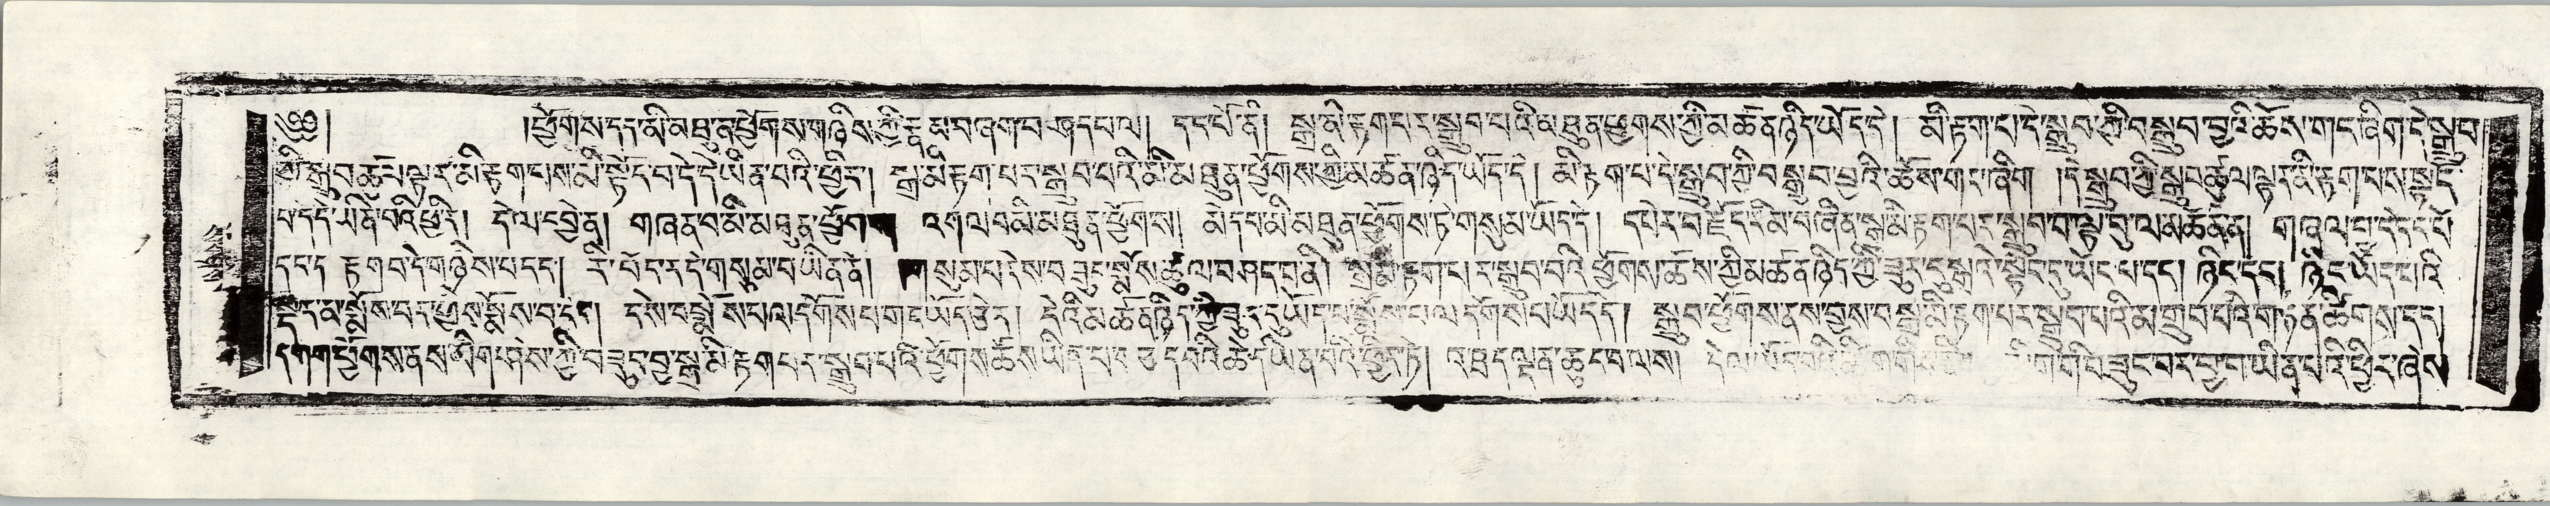༄༅། །ཕྱོགས་དང་མི་མཐུན་ཕྱོགས་གཉིས་ཀྱི་རྣམ་བཞག་བཤད་པ་ལ། དང་པོ་ནི། སྒྲ་མི་རྟག་པར་སྒྲུབ་པའི་མཐུན་ཕྱོགས་ཀྱི་མཚན་ཉིད་ཡོད་དེ། མི་རྟག་པ་དེ་སྒྲུབ་ཀྱི་བསྒྲུབ་བྱའི་ཆོས་གང་ཞིག་དེ་སྒྲུབ་
ཀྱི་སྒྲུབ་ཚུལ་ལྟར་མི་རྟག་པས་མི་སྟོང་བ་དེ་དེ་ཡིན་པའི་ཕྱིར། སྒྲ་མི་རྟག་པར་སྒྲུབ་པའི་མི་མཐུན་ཕྱོགས་ཀྱི་མཚན་ཉིད་ཡོད་དེ། མི་རྟག་པ་དེ་སྒྲུབ་ཀྱི་བསྒྲུབ་བྱའི་ཆོས་གང་ཞིག །དེ་སྒྲུབ་ཀྱི་སྒྲུབ་ཚུལ་ལྟར་མི་རྟག་པས་སྟོང་
བ་དེ་དེ་ཡིན་པའི་ཕྱིར། དེ་ལ་དབྱེ་ན། གཞན་པ་མི་མཐུན་ཕྱོགས། འགལ་བ་མི་མཐུན་ཕྱོགས། མེད་པ་མི་མཐུན་ཕྱོགས་ཏེ་གསུམ་ཡོད་དེ། དཔེར་བརྗོད་རིམ་བཞིན་སྒྲ་མི་རྟག་པར་སྒྲུབ་པ་ལྟ་བུ་ལ་མཚོན་ན། གཞལ་བྱ་དེ་དང་པོ་
དང་རྟག་པ་དེ་གཉིས་པ་དང་། རི་བོང་རྭ་དེ་གསུམ་པ་ཡིན་ནོ། །གསུམ་པ་ངེས་བཟུང་སྨོས་ཚུལ་བཤད་པ་ནི། སྒྲ་མི་རྟག་པར་སྒྲུབ་པའི་ཕྱོགས་ཆོས་ཀྱི་མཚན་ཉིད་ཀྱི་ཟུར་དུ་སྒྲའི་སྟེང་དུ་ཡོད་པ་དང་། ཉིད་དང་། ཉིད་ཡོད་པའི་
སྔར་མ་སྨོས་པར་ཕྱིས་སྨྲས་པ་དང་། ངེས་པ་སྨོས་པ་ལ་དགོས་པ་གང་ཡོད་ཅེ་ན། དེའི་མཚན་ཉིད་ཀྱི་ཟུར་དུ་ཡོད་པ་སྨོས་པ་ལ་དགོས་པ་ཡོད་དེ། སྒྲུབ་ཕྱོགས་ནས་བྱས་པ་སྒྲ་མི་རྟག་པར་སྒྲུབ་པའི་མ་གྲུབ་པའི་གཏན་ཚིགས་དང་།
དགག་ཕྱོགས་ནས་མིག་ཤེས་ཀྱི་བཟུང་བྱ་སྒྲ་མི་རྟག་པར་སྒྲུབ་པའི་ཕྱོགས་ཆོས་ཡིན་པ་བཅད་པའི་ཆེད་ཡིན་པའི་ཕྱིར་ཏེ། འཐད་ལྡན་ཆུང་བ་ལས། དེ་ལ་ཡོད་པའི་ཚིག་གིས་ནི། མིག་གི་བཟུང་བར་བྱ་བ་ཡིན་པའི་ཕྱིར་ཞེས་